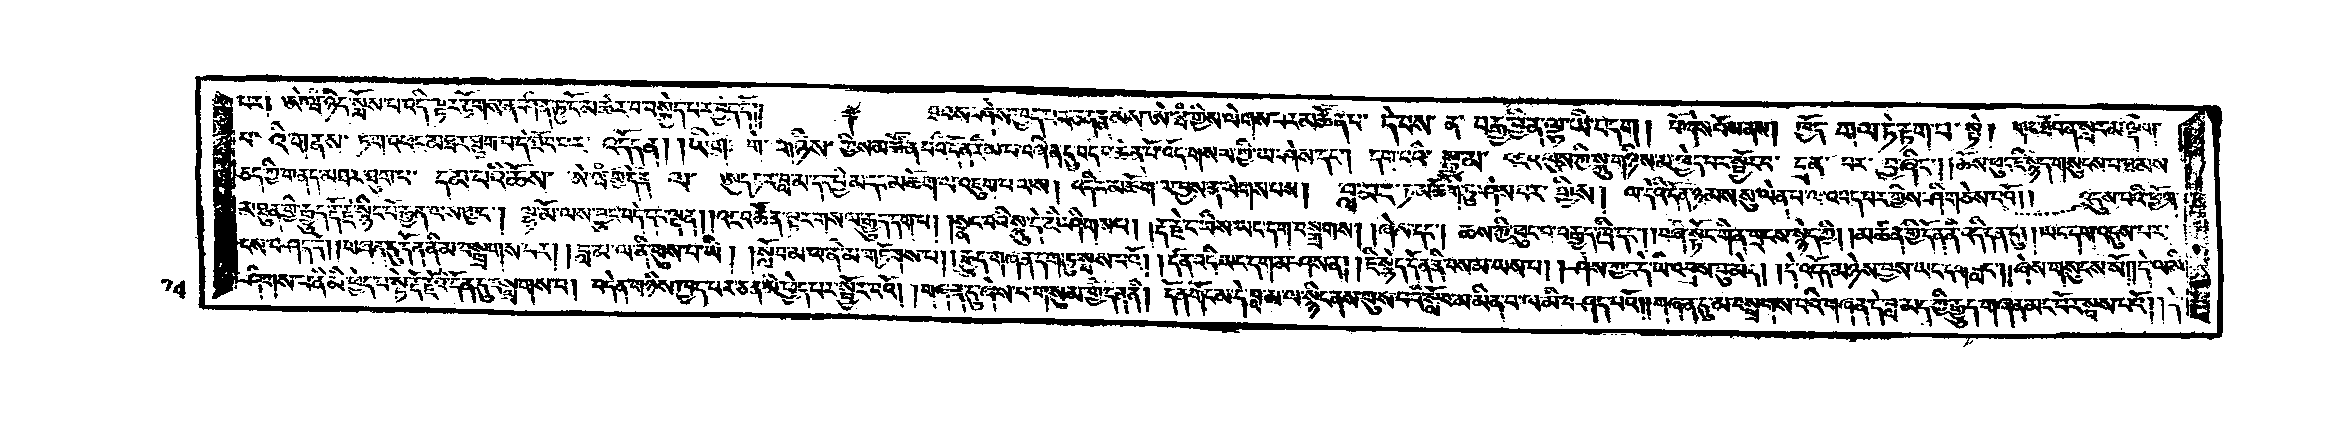བར།སེ་ཝཾ་ཉིད་སྨོས་པ་འདི་ལྟར་རྟོགས་ན་ཤིན་ཏུ་ངོ་མཚར་བ་བསྐྱེད་པར་བྱེད་དོ།། ༈ ?་ཤེས་ཤེས་ཁྱད་པར་ཅན་རྣམས་ཨེ་ཝཾ་ཀྱིས་ལེགས་པར་མཚོན་པ་དེ་བས་ན་བརྒྱ་བྱིན་ལྷ་ཡི་བདག །པོ་ཞེས་པོས་ནས། ཁྱོད་གལ་ཏེ་རྟག་པ་སྟེ། གང་ཐོབ་ནས་པར་མི་ལྡོག་
པའི་གནས་ཏེག་འཕང་མཐར་ཐུག་བདེ་ཐོབ་པར་འདོད་ན། ཡིག་གེ་གཉིས་ཀྱིས་མཚོན་པའི་དོན་རིམ་པ་བཞིན་དུ་བདེབ་ཆེན་པོ་འོད་གསལ་གྱི་ཡི་ཤེས་དང་། དག་པའི་སྒྱུ་མ་འཇལ་ལུས་ཀྱི་སྐུ་གཉིས་མ་ཕྱེད་པར་སྦྱོར་བ་དྲན་པར་བྱ་ཞིང་། །ཆོས་ཕུང་ཇི་སྙེད་གསུངས་པ་ཐམས་
ཅད་ཀྱི་གནད་མཐར་ཐུག་པ་དམ་པའི་ཆོས་ཨེ་ཝཾ་ཀྱི་དོན་ལ་ཨུད་ཏ་ར་བླ་མ་དང་ཕྱི་མ་དང་མཆོག་ལ་འཇུག་པ་ལས། འདིར་མཆོག་ལ་བྱས་ན་ལེགས་པས། བླ་མར་ཏ་མཆོག་ཏུ་ཤེས་པར་གྱིས། ལ་དེའི་དོན་ཉམས་སུ་ལེན་པའི་འབད་པར་གྱིས་ཤིག་ཅེས་པའོ།། འདུས་པའི་ཕྱོགས་
མཐུན་གྱི་རྒྱུད་རྡོ་རྗེ་སྙིང་པོ་རྒྱན་ལས་ཀྱང་། ལྷ་མོ་ལས་བྱུང་བདེ་དང་ལྡན། །འཇའ་ཚོན་ལྟར་གསལ་རྒྱུད་དག་པ། །སྣང་བའི་སྐུ་དེ་ཡི་ཤིགས་པ། །རྡོ་རྗེ་ང་ཡིས་ཡང་ཡང་དག་བསྒྲགས། །ཞེས་དང་། ཆས་ཀྱི་ཕུང་པ་བརྒྱད་ཁྲི་དང་། །བཞི་སྟོང་གི་ན་གྲངས་སྙེད་ཀྱི། །མཚན་གྱི་དོན་ནི་འདི་དང་དུ། །ཡང་དག་འདུས་པར་
ངས་བཤད་དོ། །གཞན་དུ་དོན་ནི་མ་བསྒྲགས་པར། །བླ་མ་ལ་ནི་གུས་པ་ཡི། །སློབ་མ་ལ་ན་མ་གཏོགས་པ། །རྒྱུད་གཞན་དག་ཏུ་སྤས་པའོ། །དོན་འདི་ཡང་དག་མ་ཤས་ན། །ཇི་སྙེད་དོན་ནི་བསམ་ཡིས་པས། །ཤེས་ཀྱང་དེ་ཡི་འབྲས་བུ་མེད། །དེ་འདོད་མཉེས་བྱས་ཡང་དག་བླང་། །ཞེས་གསུངས་སོ། །དེ་ལ་མི་
ཞིགས་པ་ནི་མི་ཕྱེད་པ་སྟེ་རྡོ་རྗེ་འདོན་དུ་བསྒྲགས་པ། བདེན་གཉིས་ཁྱད་པར་ཅན་མི་ཕྱེད་པར་སྦྱོར་བའོ།།གཞན་དུ་ཞེས་པ་གསུམ་གྱི་དང་ནི།དོན་གོང་མ་དེ་བླ་མ་ལ་སྙིང་ནས་གུས་པའི་སློབ་མ་ཡིན་པ་ལ་མི་བཤད་པའོ། །གཞན་དུ་མ་བསྒྲགས་པའི་གཞན་དེ་བླ་མེད་ཀྱི་རྒྱུད་གཞན་མང་པོར་སྦས་པའོ། །དེ་